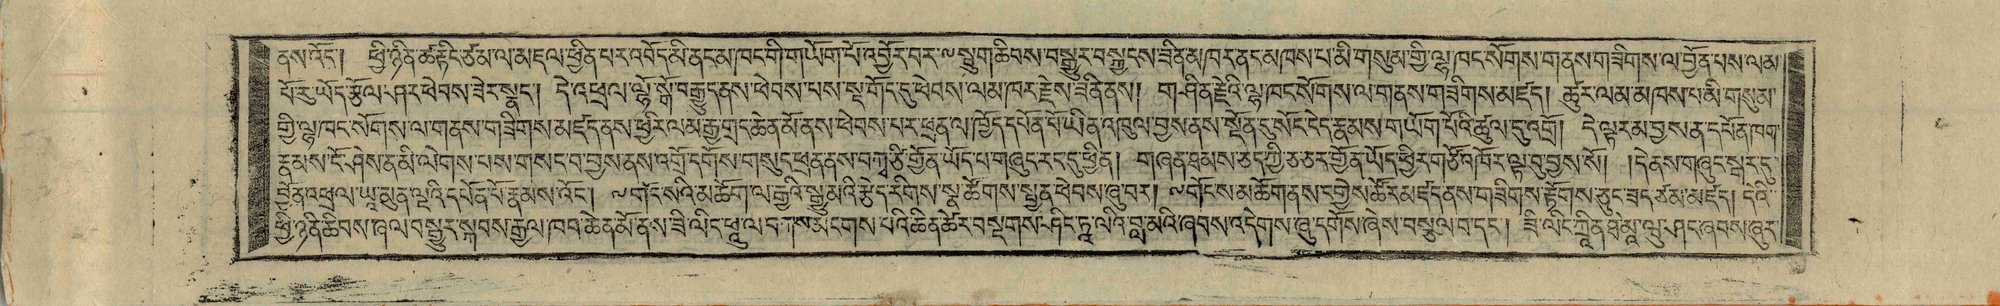ནས་འོང་། ཕྱི་ཉིན་ཚ་རྟིང་ཙམ་ལ་མཇལ་ཕྱིན་པར་འབོད་མི་ནང་མ་ཁང་གི་གཡོག་པོ་འབྱོར་བར་༧སྦུག་ཆིབས་བསྒྱུར་བསྐྱངས་ཟིན་མཁར་ནང་མཁས་པ་མི་གསུམ་གྱི་ལྷ་ཁང་སོགས་གནས་གཟིགས་ལ་བྱོན་པས་ལམ་
པོ་རུ་ཡོད་རྩོལ་ཤར་ཕེབས་ཟེར་སྣང་། དེ་འཕྲལ་ལྷོ་སྒོ་བརྒྱུད་ནས་ཕེབས་པས་སྔ་གོང་དུ་ཕེབས་ལམ་ཁར་རྗེས་ཟིན་ནས། གཤིན་རྗེའི་ལྷ་ཁང་སོགས་ལ་གནས་གཟིགས་མཛད། ཚུར་ལམ་མཁས་པ་མི་གསུམ་
གྱི་ལྷ་ཁང་སོགས་ལ་གནས་གཟིགས་མཛད་ནས་ཕྱིར་ལམ་རྒྱ་གྲང་ཆེན་མོ་ནས་ཕེབས་པར་ཕྲན་ལ་ཁྱོད་དཔོན་པོ་ཡིན་འཁུལ་བྱས་ནས་སྔོན་དུ་སོང་ངེད་རྣམས་གཡོག་པོའི་ཚུལ་དུ་འགྲོ། དེ་ལྟར་མ་བྱས་ན་དཔོན་ཁག་
རྣམས་ངོ་ཤེས་ན་མི་ལེགས་པས་གསང་བ་བྱས་ནས་འགྲོ་དགོས་གསུང་ཕྲན་ནས་བཀྭ་ཙི་གྱོན་ཡོད་པ་གཞུང་རང་དུ་ཕྱིན། གཞན་ཐམས་ཅད་ཀྱི་ཅ་ཅར་གྱོན་ཡོད་ཕྱིར་གཙོ་འཁོར་ལྟ་བུ་བྱས་སོ། །དེ་ནས་གཞུང་སྒར་དུ་
བྱོན་འཕྲལ་ཡཱ་མུན་ལྔའི་དཔོན་པོ་རྣམས་འོང་། ༧གོང་སའི་མཆོག་ལ་རྒྱའི་སྒྱུ་མའི་རྩེད་རིགས་སྣ་ཚོགས་སྤྱན་ཕེབས་ཞུ་བར། ༧གོང་ས་མཆོག་ནས་དགྱེས་ཚོར་མཛད་ནས་གཟིགས་རྟོགས་ཅུང་ཟད་ཙམ་མཛད། དེའི་
ཕྱི་ཉིན་ཆིབས་ཞལ་བསྒྱུར་སྐབས་རྒྱལ་ཁབ་ཆེན་མོ་ནས་ཟི་ལིང་ཕཱུ་ལ་བཀས་མངགས་པའི་ཆིན་ཚེར་བསྔགས་ཤིང་ཏཱ་ལའི་བླ་མའི་ཞབས་འདེགས་ཞུ་དགོས་ཞེས་བསྩལ་བ་དང་། ཟི་ལིང་ཀྲཱིན་ཐེ་མཱ་ཝུ་ཤང་ཞབས་ཞུར་